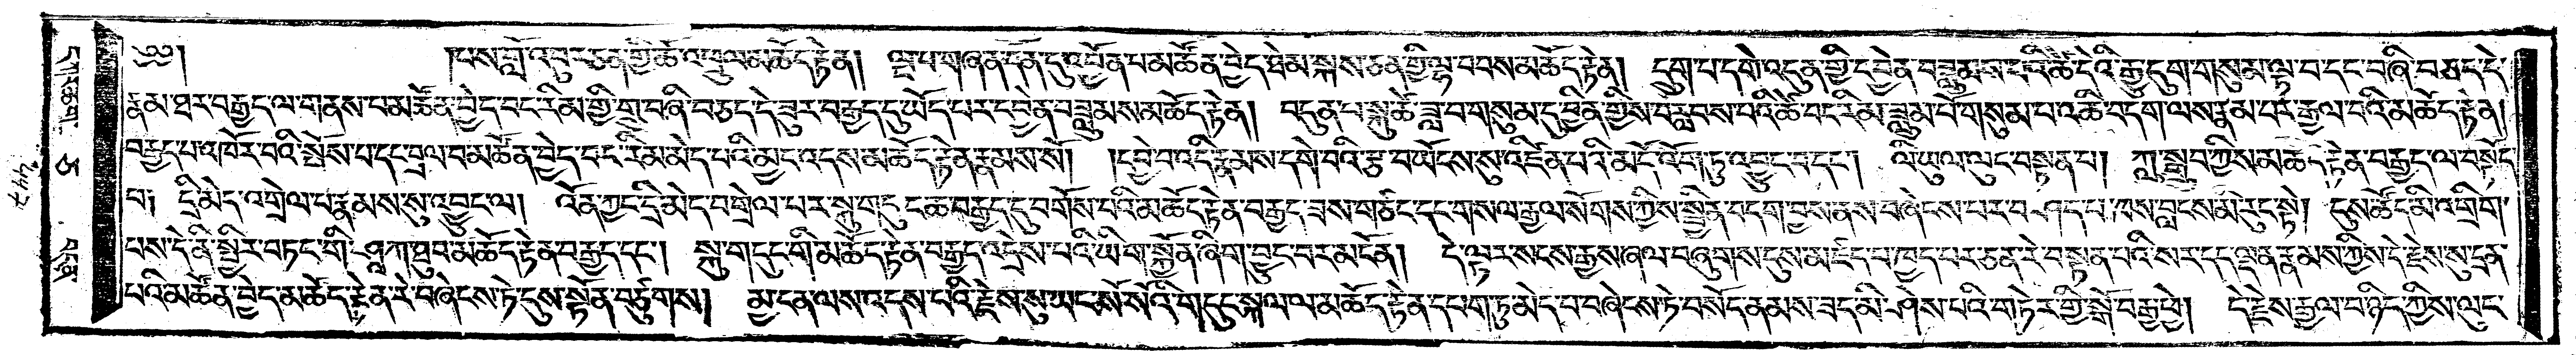༄༅། །པས་གློ་འབུར་ཅན་གྱི་ཆོ་འཕྲུལ་མཆོད་རྟེན། ལྔ་པ་གཞན་དོན་དུ་འབྱོན་པ་མཚོན་བྱེད་ཐེམ་སྐས་ཅན་གྱི་ལྷ་བབས་མཆོད་རྟེན། དྲུག་པ་དགེ་འདུན་གྱི་དབྱེན་བཟླུམས་པའི་ཚེ་དེའི་རྒྱུ་དུག་གསུམ་ལྟ་བ་དང་བཞི་བཅད་དེ་
རྣམ་ཐར་བརྒྱད་ལ་གནས་པ་མཚོན་ཕྱེད་བང་རིམ་གྱི་གྲུ་བཞི་བཅད་དེ་ཟུར་བརྒྱད་དུ་ཡོད་པར་དབྱེན་བཟླུམས་མཆོད་རྟེན། བདུན་པ་སྐུ་ཚེ་ཟླ་བ་གསུམ་དུ་བྱིན་གྱིས་བརླབས་པའི་ཚེ་བང་རིམ་ཟླུམ་པོ་གསུམ་པ་འཆི་བདག་ལས་རྣམ་པར་རྒྱལ་བའི་མཆོད་རྟེན།
བརྒྱད་པ་འཁོར་བའི་སྦྲོས་བ་དང་བྲལ་བ་མཚོན་བྱེད་བང་རིམ་མེད་པའི་མྱང་འདས་མཆོད་རྟེན་རྣམས་སོ། །དབྱེ་བ་འདི་རྣམས་དགེ་བའི་རྩ་བ་ཡོངས་སུ་འཛིན་པའི་མདོ་འོག་ཏུ་འབྱུང་བ་དང་། ལི་ཡུལ་ལུང་བསྟན་པ། ཀླུ་སྒྲུབ་ཀྱིས་མཆོད་རྟེན་བརྒྱད་ལ་བསྟོད་
པ༑ དྲི་མེད་འགྲེལ་པ་རྣམས་སུ་འབྱུང་ལ། འོན་ཀྱང་དྲི་མེད་བགྲེལ་པར་སྐུ་གདུང་ཆ་བརྒྱད་དུ་བགོས་པའི་མཆོད་རྟེན་བརྒྱད་ཟས་གཙང་དང་གསལ་རྒྱལ་སོགས་ཀྱིས་སྦྱིན་བདག་བྱས་ནས་བཞེངས་པར་བཤད་པ་ཁས་བླངས་མི་རུང་སྟེ། དུས་ཚོད་མི་འགྲིག་
པས་དེ་ནི་སྦྱིར་བཏང་གི་ཤྰྐ་ཐུབ་མཆོད་རྟེན་བརྒྱད་དང་། སྐུ་གདུང་གི་མཆོད་རྟེན་བརྒྱད་འདྲེས་པའི་ཡིག་སྐྱོན་ཞིག་བྱུང་བར་མངོན། དེ་ལྟར་སངས་རྒྱས་ཞལ་བཞུགས་དུས་མཛད་པ་ཁྱད་བར་ཅན་རེ་བསྟན་པའི་སར་དད་ལྡན་རྣམས་ཀྱིས་དེ་རྗེས་སུ་དྲན་
པའི་མཚོན་བྱེད་མཆོད་རྟེན་རེ་བཞེངས་ཏེ་དུས་སྟོན་བཙུགས། མྱ་ངན་ལས་འདས་པའི་རྗེས་སུ་ཡང་སོ་སོའི་གདུང་སྐལ་ལ་མཆོད་རྟེན་དཔག་ཏུ་མེད་པ་བཞེངས་ཏེ་བསོང་ནམས་ཟད་མི་ཤེས་པའི་གཏེར་གྱི་སྒོ་བརྒྱ་ཕྱེ། དེ་རྗེས་རྒྱལ་བ་ཉིད་ཀྱིས་ལུང་